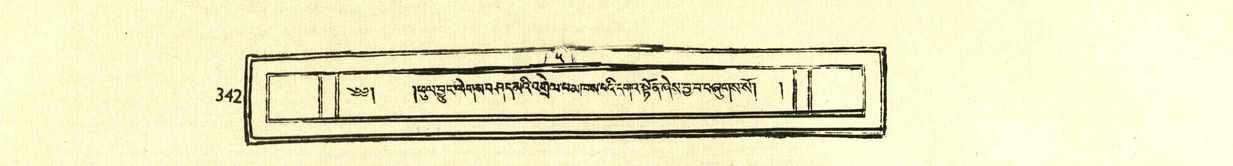༄༅། །ཕུལ་བྱུང་ལེགས་བཤད་མའི་འགྲེལ་པ་མཁས་པའི་དགའ་སྟོན་ཞེས་བྱ་བ་བཞུགས་སོ། །